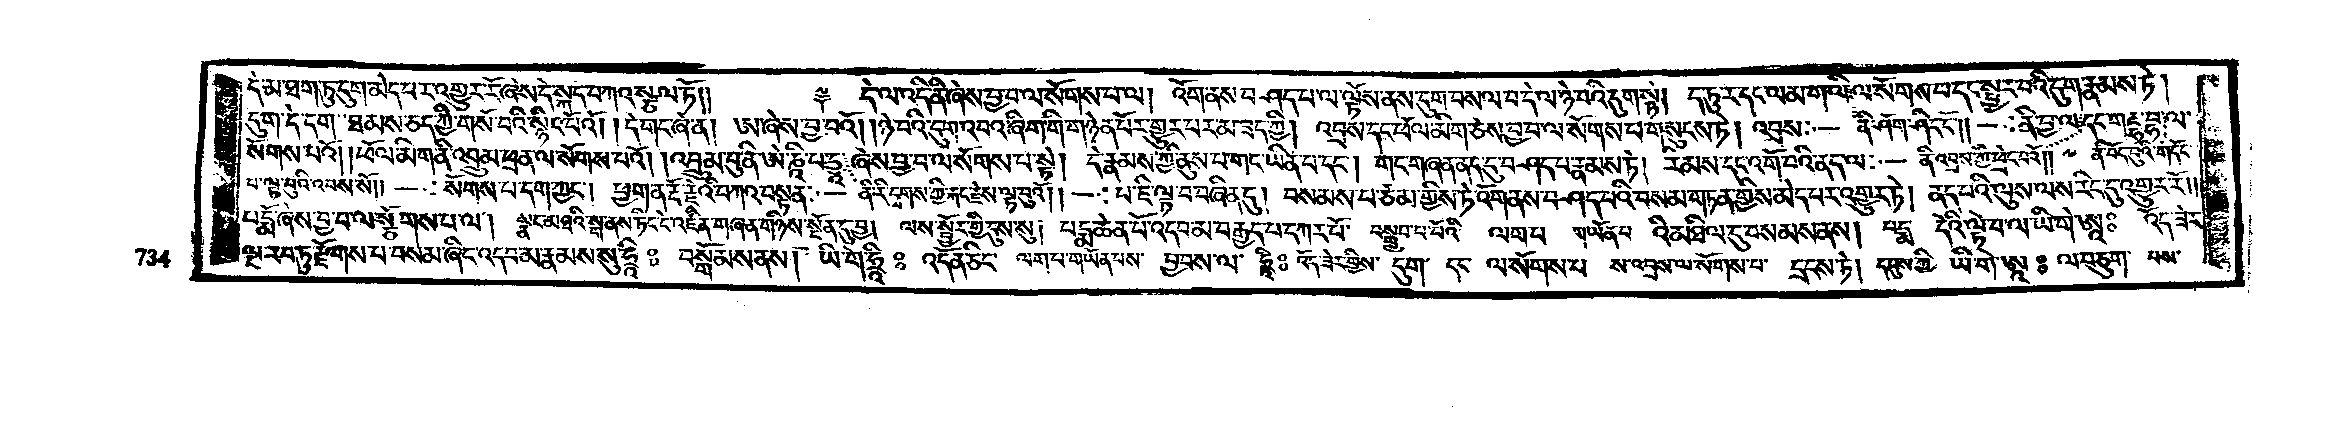དེ་མ་ཐག་ཏུ་དུག་མེད་པར་འགྱུར་རོ་ཞེས་དེ་སྐད་བཀའ་སྩལ་ཏོ།། ༈ དེ་ལ་འདི་ནི་ཞེས་བྱ་བ་ལ་སོགས་པ་ལ། འོག་ནས་བཤད་པ་ལ་ལྟོས་ནས་དུག་བསལ་བ་དེ་ལ་ཉེ་བའི་དུག་སྟེ། ད་ཏུ་ར་དང་ལམ་ག་ལི་ལ་སོགས་པ་དང་སྦྱར་བའི་དུག་རྣམས་ཏེ།
དུག་དེ་དག་ཐམས་ཅད་ཀྱི་གསོ་བའི་སྙིང་པོའོ། །དེ་གང་ཞེ་ན། ཨ་ཞེས་བྱ་བའོ། །ཉེ་བའི་དུག་འབའ་ཞིག་གི་གཉེན་པོར་གྱུར་པར་མ་ཟད་ཀྱི། འབྲས་དང་ཕོལ་མིག་ཅེས་བྱ་བ་ལ་སོགས་པ་གསུངས་ཏེ། འབྲས་H.་ནི་ཤོག་ཤིང་ངོ།།.H ནི་བྱ་ལ་དང་གརྡྷ་བྷ་ལ་
སོགས་པའོ། །ཕོལ་མིག་ནི་འབྲུམ་ཕྲན་ལ་སོགས་པའོ། །འབྲུམ་བུ་ནི་ཨེ་ཎཱི་པ་དྱཱ་ཞེས་བྱ་བ་ལ་སོགས་པ་སྟེ། དེ་རྣམས་ཀྱི་ནུས་པ་གང་ཡིན་པ་དང་། གང་གཞན་ནད་དུ་བཤད་པ་རྣམས་ཏེ། རིམས་དང་འགོ་བའི་ནད་ལ་H.་ནི་འབྲས་ཀྱི་ཕྲེང་བའོ།། ༧་ནི་བོང་བུའི་གདོང་
པ་ལྟ་བུའི་འབྲས་སོ།། .Hསོགས་པ་དག་ཀྱང་། ཕྱག་ན་རྡོ་རྗེའི་བཀའ་བསྟན་H.་ནི་རི་དྭགས་ཀྱི་རྐང་རྗེས་ལྟ་བུའོ།། .Hཔ་ཇི་ལྟ་བ་བཞིན་དུ། བསམས་པ་ཙམ་གྱིས་ཏེ་འོག་ནས་བཤད་པའི་བསམ་གཏན་གྱིས་མེད་པར་འགྱུར་ཏེ། ནད་པའི་ལུས་ལས་རིང་དུ་འགྱུར་རོ།།
པདམོ་ཞེས་བྱ་བ་ལ་སྩོགས་པ་ལ། སྣང་མཐའི་སྒ་ནས་ཏིང་ངེ་འཛིན་གཞན་གཉིས་སྔོན་དུ་བྱ། ལས་སྦྱོར་གྱི་དུས་སུ། པདམ་ཆེན་པོ་འདབ་མ་བརྒྱད་པ་དཀར་པོ་བསྒྲུབ་པ་པོའི་ལག་པ་གཡོན་པའི་མཐིལ་དུ་བསམས་ནས། པདམ་དེའི་ལྟེ་བ་ལ་ཡི་གེ་ཨཱཿ འོད་ཟེར་
ལྔ་རབ་ཏུ་རྫོགས་པ་བསམ་ཞིང་འདབ་མ་རྣམས་སུ་ཧྲཱིཿ བསྒོམས་ནས། ཡི་གེ་ཧྲཱིཿ འདོན་ཅིང་ལག་པ་གཡོན་པས་བྱ་བས་ལ་ཧྲཱིཿ འོད་ཟེར་གྱིས་དུག་དང་ལ་སོགས་པས་འབྲས་ལ་སོགས་པ་དྲངས་ཏེ། དབུས་ཀྱི་ཡི་གེ་ཨཱཿ ལ་བཅུག་པས་